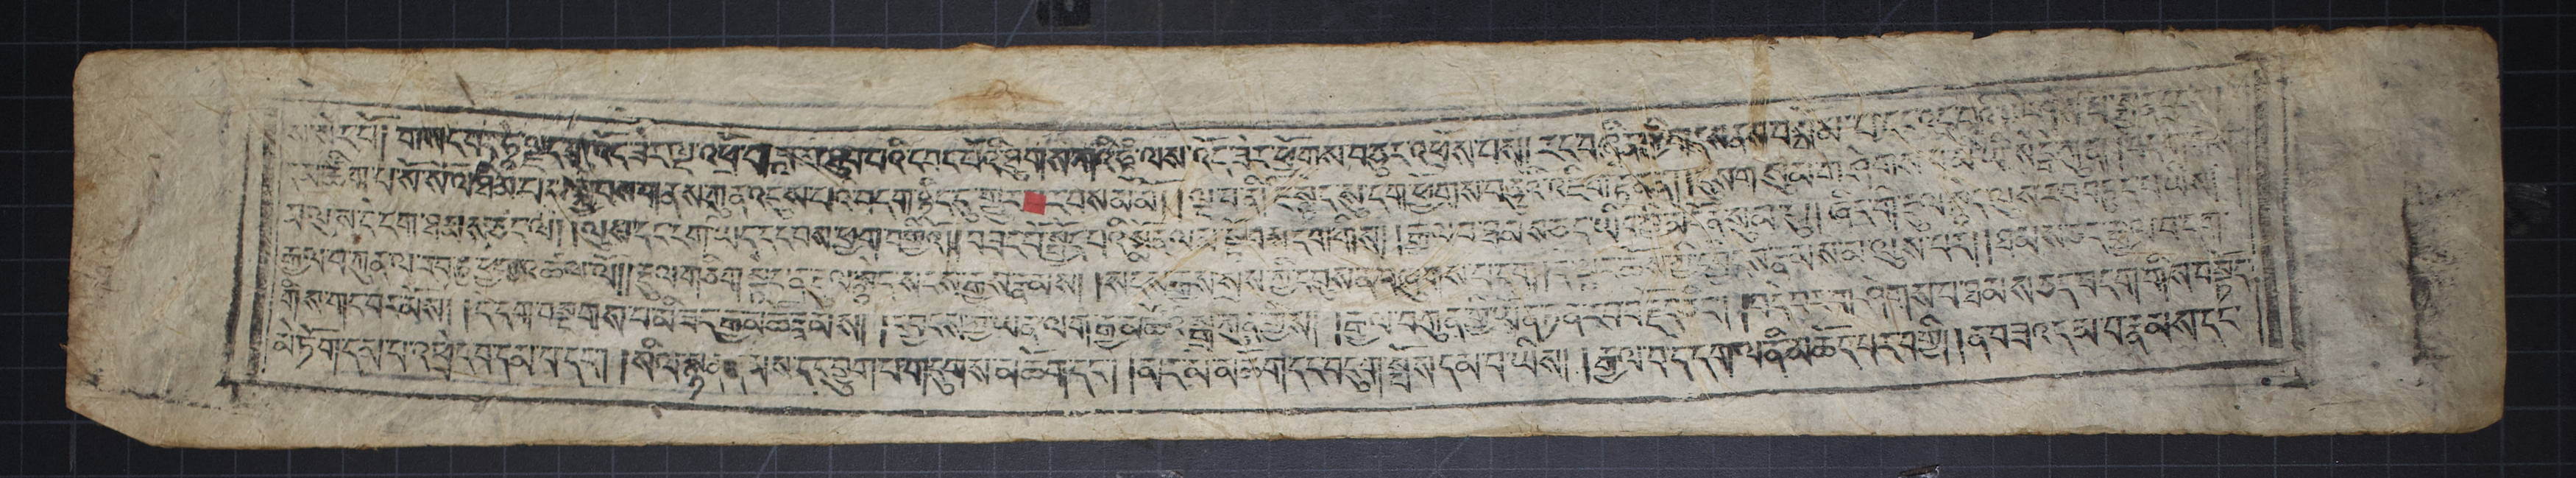སྭ་སེར་པོ། གསང་བར་ཧཱ་ལྗང་གུ་འོད་ཟེར་ལྔ་འཕྲོ་བ། བླ་མ་ཐུབ་པའི་དབང་པོའི་ཐུགས་ཀའི་ཧཱུཾ་ལས་འོད་ཟེར་ཕྱོགས་བཅུར་འཕྲོས་པས། རང་བཞིན་གྱི་གནས་ནས་བསྒོམ་པ་དང་འདྲ་བའི་ཡེ་ཤེས་པ་སྤྱན་དྲང་སྟེ།
དམ་ཚིག་པ་སོ་སོ་ལ་ཐིམ་པས་སྐྱབས་གནས་ཀུན་འདུས་པའི་བདག་ཉིད་དུ་གྱུར་པར་བསམ་མོ། །ལྔ་པ་ནི། ཇི་སྙེད་སུ་དག་ཕྱོགས་བཅུའི་འཇིག་རྟེན་ན། །དུས་གསུམ་གཤེགས་པ་མི་ཡི་སེངྒེ་ཀུན། །བདག་གིས་
མ་ལུས་དེ་དག་ཐམས་ཅད་ལ། །ལུས་དང་ངག་ཡིད་དང་བས་ཕྱག་བགྱིའོ། །བཟང་པོ་སྤྱོད་པའི་སྨོན་ལམ་སྟོབས་དག་གིས། །རྒྱལ་བ་ཐམས་ཅད་ཡིད་ཀྱི་མངོན་སུམ་དུ། །ཞིང་གི་རྡུལ་སྙེད་ལུས་རབ་བཏུད་པ་ཡིས་
རྒྱལ་བ་ཀུན་ལ་རབ་ཏུ་ཕྱག་འཚལ་ལོ། །རྡུལ་གཅིག་སྟེང་ན་རྡུལ་སྙེད་སངས་རྒྱས་རྣམས། །སངས་རྒྱས་སྲས་ཀྱི་དབུས་ན་བཞུགས་པ་དག །དེ་ལྟར་ཆོས་ཀྱི་དབྱིངས་རྣམས་མ་ལུས་པར། །ཐམས་ཅད་རྒྱལ་བ་དག་
གིས་གང་བར་མོས། །དེ་དག་བསྔགས་པ་མི་ཟད་རྒྱ་མཚོ་རྣམས། །དབྱངས་ཀྱི་ཡན་ལག་རྒྱ་མཚོའི་སྒྲ་ཀུན་གྱིས། །རྒྱལ་བ་ཀུན་གྱི་ཡོན་ཏན་རབ་བརྗོད་ཅིང་། །བདེ་བར་གཤེགས་པ་ཐམས་ཅད་བདག་གིས་བསྟོད་
མེ་ཏོག་དམ་པ་འཕྲེང་བ་དམ་པ་དང་། །སིལ་སྙན་རྣམས་དང་བྱུག་པ་གདུགས་མཆོག་དང་། །མར་མེ་མཆོག་དང་བདུག་སྤོས་དམ་པ་ཡིས། །རྒྱལ་བ་དེ་དག་ལ་ནི་མཆོད་པར་བགྱི། །ན་བཟའ་དམ་པ་རྣམས་དང་